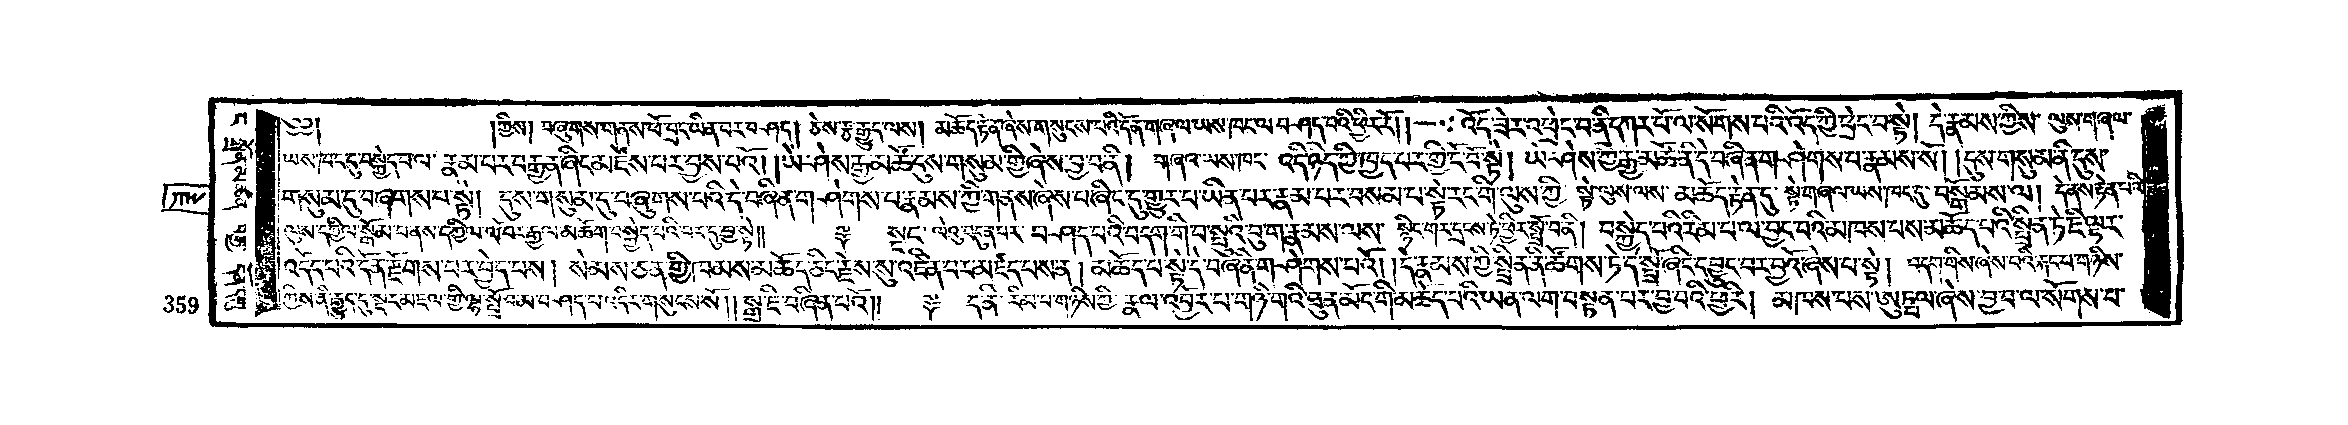༄༅། ། ཀྱིས། བཞུགས་གནས་ཕོ་བྲང་ཡིན་པར་བཤད། ཅེས་རྩ་རྒྱུད་ལས། མཆོད་རྟེན་ཞེས་གསུངས་པའི་དོན་གཞལ་ཡས་ཁང་ལ་བཤད་པའི་ཕྱིར་རོ།།  .H འོད་ཟེར་འཕྲེང་བ་ནི་དཀར་པོ་ལ་སོགས་པའི་འོད་ཀྱི་ཕྲེང་བ་སྟེ། དེ་རྣམས་ཀྱིས་ལུས་གཞལ་
ཡས་ཁང་དུ་བསྐྱེད་པ་ལ་རྣམ་པར་བརྒྱན་ཞིང་མཛེས་པར་བྱས་པའོ། །ཡེ་ཤེས་རྒྱ་མཚོ་དུས་གསུམ་གྱི་ཞེས་བྱ་བ་ནི། གཞལ་ཡས་ཁང་འདི་ཉིད་ཀྱི་ཁྱད་པར་གྱི་ངོ་བོ་སྟེ། ཡེ་ཤེས་ཀྱི་རྒྱ་མཚོ་ནི་དེ་བཞིན་གཤེགས་པ་རྣམས་སོ། །དུས་གསུམ་ནི་དུས་
གསུམ་དུ་བཞུགས་པ་སྟེ། དུས་གསུམ་དུ་བཞུགས་པའི་དེ་བཞིན་གཤེགས་པ་རྣམས་ཀྱི་གནས་ཞེས་པ་ཞིང་དུ་གྱུར་པ་ཡིན་པར་རྣམ་པར་བསམ་པ་སྟེ་རང་གི་ལུས་ཀྱི་སྟེ་ལུས་ལས་མཆོད་རྟེན་དུ་སྟེ་གཞལ་ཡས་ཁང་དུ་བསྒོམས་ལ། དེ་ནས་རྟེན་པའི་
ལུས་དཀྱིལ་སྒོམ་པ་ནས་དཀྱིལ་འཁོར་རྒྱལ་མཆོག་བསྐྱེད་པའི་བར་དུ་བྱ་སྟེ།། ༈ སྔར་ལེའུ་བདུན་པར་བཤད་པའི་བདག་གི་བ་སྤུའི་བུ་ག་རྣམས་ལས་སྙིང་གར་དྲངས་ཏེ་ཕྱིར་སྤྲོ་བ་ནི།  བསྐྱེད་པའི་རིམ་པ་ལ་བྱང་བའི་མཁས་པས་མཆོད་པའི་སྤྲིན་ཏེ་ཇི་ལྟར་
འདོད་པའི་དོན་རྫོགས་པར་བྱེད་པས། སེམས་ཅན་གྱི་ཁམས་མཆོད་ཅིང་རྗེས་སུ་འཛིན་པར་མཛད་པས་ན། མཆོད་པ་སྟེ་དེ་བཞིན་གཤེགས་པའོ། །དེ་རྣམས་ཀྱི་སྤྲིན་ནི་ཚོགས་ཏེ་དེ་སྤྲོ་ཞིང་དབྱུང་བར་བྱའོ་ཞེས་པ་སྟེ། བདག་གིས་ཞེས་པའི་རྐང་པ་གཉིས་
ཀྱིས་ནི་རྒྱུད་དུ་སྔར་མཇལ་གྱི་ལྷ་སྤྲོ་བ་མ་བཤད་པ་འདིར་གསུངས་སོ། ། སྒྲ་ཇི་བཞིན་པའོ།། ༈ དེ་ནི་རིམ་པ་གཉིས་ཀྱི་རྣལ་འབྱོར་པ་གཉི་གའི་ཐུན་མོང་གི་མཆོད་པའི་ཡན་ལག་བསྟན་པར་བྱ་བའི་ཕྱིར། མཁས་པས་ཨུཏྤལ་ཞེས་བྱ་བ་ལ་སོགས་པ་